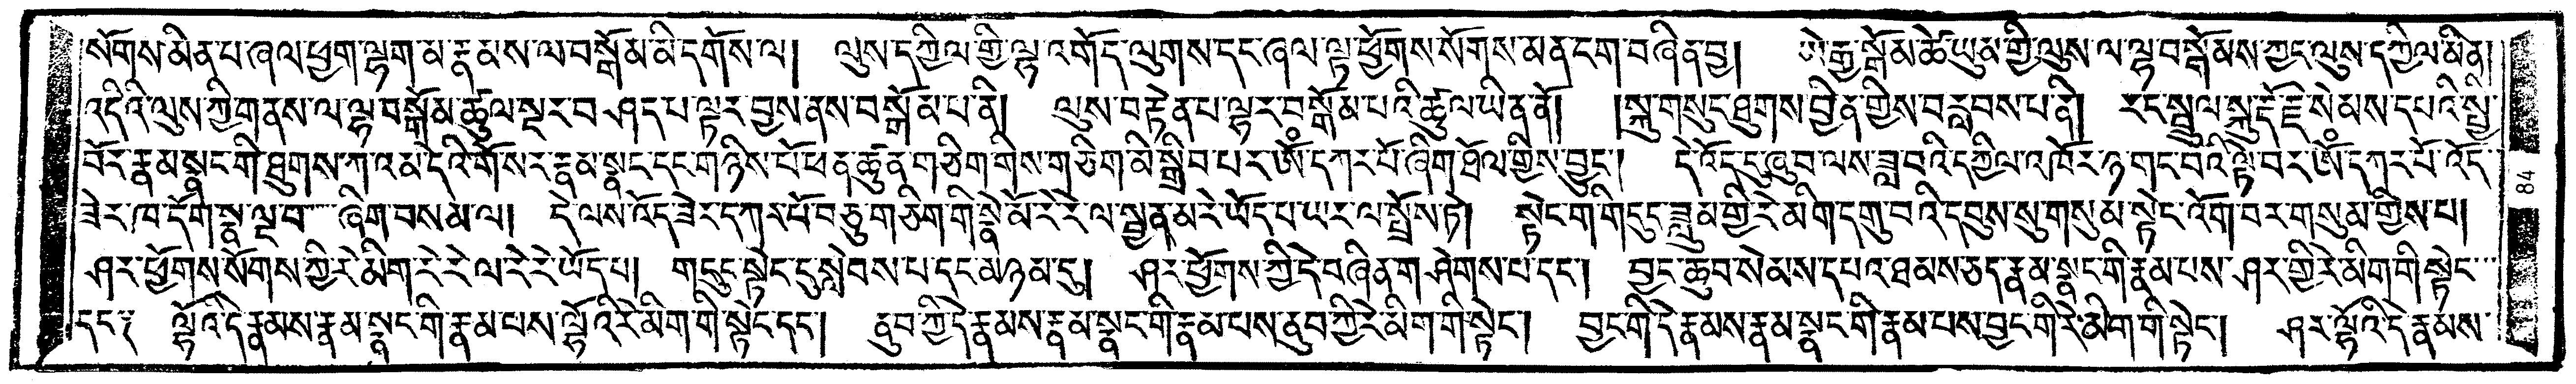སོགས་མིན་པ་ཞལ་ཕྱག་ལྷག་མ་རྣམས་ལ་བསྒོམ་མི་དགོས་ལ། ལུས་དཀྱིལ་གྱི་ལྷ་འགོད་ལུགས་དང་ཞལ་ལྟ་ཕྱོགས་སོགས་མན་ངག་བཞིན་བྱ། ཡེ་རྒྱ་སྒོམ་ཚེ་ཡུམ་གྱི་ལུས་ལ་ལྷ་བསྒོམས་ཀྱང་ལུས་དཀྱིལ་མིན།
འདིའི་ལུས་ཀྱི་གནས་ལ་ལྷ་བསྒོམ་ཚུལ་སྔར་བཤད་པ་ལྟར་བྱས་ནས་བསྒོམ་པ་ནི། ལུས་བརྟེན་པ་ལྷར་བསྒོམ་པའི་ཚུལ་ཡིན་ནོ། །སྐུ་གསུང་ཐུགས་བྱིན་གྱིས་བརླབས་པ་ནི། རང་སྤྲུལ་སྐུ་རྡོ་རྗེ་སེམས་དཔའི་སྤྱི་
བོར་རྣམ་སྣང་གི་ཐུགས་ཀ་འམ་དེའི་གོ་སར་རྣམ་སྣང་དང་གཉིས་པོ་ཕན་ཚུན་གཅིག་གིས་གཅིག་མི་སྒྲིབ་པར་ཨོཾ་དཀར་པོ་ཞིག་ཐོལ་གྱིས་བྱུང་། དེ་འོད་དུ་ཞུ་བ་ལས་ཟླ་བའི་དཀྱིལ་འཁོར་ཉ་གང་བའི་ལྟེ་བར་ཨོཾ་དཀར་པོ་འོད་
ཟེར་ཁ་དོག་སྣ་ལྔ་པ་ཞིག་བསམ་ལ། དེ་ལས་འོད་ཟེར་དཀར་པོ་བཅུ་གཅིག་གི་སྣེ་མོ་རེ་རེ་ལ་སྤྱན་མ་རེ་ཡོད་པ་ཡར་ལ་སྤྲོས་ཏེ། སྟེང་གི་གདུང་ཟླུམ་གྱི་རེ་མིག་དགུ་བའི་དབུས་སུ་གསུམ་སྟེང་འོག་བར་གསུམ་གྱིས་པ།
ཤར་ཕྱོགས་སོགས་ཀྱི་རེ་མིག་རེ་རེ་ལ་རེ་རེ་ཡོད་པ། གདུང་སྟེང་དུ་སླེབས་པ་དང་མཉམ་དུ། ཤར་ཕྱོགས་ཀྱི་དེ་བཞིན་གཤེགས་པ་དང་། བྱང་ཆུབ་སེམས་དཔའ་ཐམས་ཅད་རྣམ་སྣང་གི་རྣམ་པས་ཤར་གྱི་རེ་མིག་གི་སྟེང་
དང༑ ལྷོའི་དེ་རྣམས་རྣམ་སྣང་གི་རྣམ་པས་ལྷོའི་རེ་མིག་གི་སྟེང་དང་། ནུབ་ཀྱི་དེ་རྣམས་རྣམ་སྣང་གི་རྣམ་པས་ནུབ་ཀྱི་རེ་མིག་གི་སྟེང་། བྱང་གི་དེ་རྣམས་རྣམ་སྣང་གི་རྣམ་པས་བྱང་གི་རེ་མིག་གི་སྟེང་། ཤར་ལྷོའི་དེ་རྣམས་